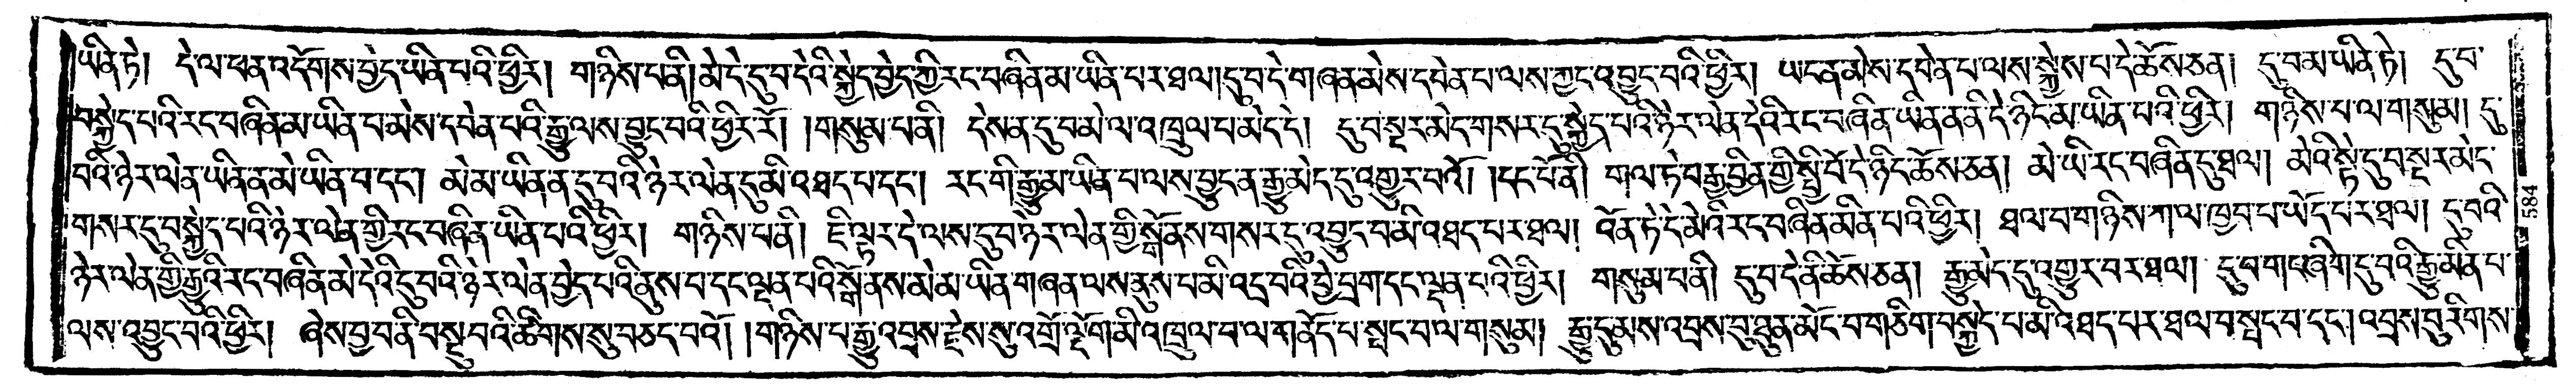ཡིན་ཏེ། དེ་ལ་ཕན་འདོགས་བྱེད་ཡིན་པའི་ཕྱིར། གཉིས་པ་ནི། མེ་དེ་དུ་བ་དེའི་སྐྱེད་བྱེད་ཀྱི་རང་བཞིན་མ་ཡིན་པར་ཐལ། དུ་བ་དེ་གཞན་མེས་དབེན་པ་ལས་ཀྱང་འབྱུང་བའི་ཕྱིར། ཡང་ན་མེས་དབེན་པ་ལས་སྐྱེས་པ་དེ་ཆོས་ཅན། དུ་བ་མ་ཡིན་ཏེ། དུ་བ་
བསྐྱེད་པའི་རང་བཞིན་མ་ཡིན་པ་མེས་དབེན་པའི་རྒྱུ་ལས་བྱུང་བའི་ཕྱིར་རོ། །གསུམ་པ་ནི། དེས་ན་དུ་བ་མེ་ལ་འཁྲུལ་པ་མེད་དེ། དུ་བ་སྔར་མེད་གསར་དུ་སྐྱེད་པའི་ཉེར་ལེན་དེའི་རང་བཞིན་ཡིན་ན་ནི་དེ་ཉིད་མ་ཡིན་པའི་ཕྱིར། གཉིས་པ་ལ་གསུམ། དུ་
བའི་ཉེར་ལེན་ཡིན་ན་མེ་ཡིན་པ་དང་། མེ་མ་ཡིན་ན་དུ་བའི་ཉེར་ལེན་དུ་མི་འཐད་པ་དང་། རང་གི་རྒྱུ་མ་ཡིན་པ་ལས་བྱུང་ན་རྒྱུ་མེད་དུ་འགྱུར་བའོ། །དང་པོ་ནི། གལ་ཏེ་བརྒྱ་བྱིན་གྱི་སྤྱི་བོ་དེ་ཉིད་ཆོས་ཅན། མེ་ཡི་རང་བཞིན་དུ་ཐལ། མེའི་སྟེ་དུ་བ་སྔར་མེད་
གསར་དུ་བསྐྱེད་པའི་ཉེར་ལེན་གྱི་རང་བཞིན་ཡིན་པའི་ཕྱིར། གཉིས་པ་ནི། ཇི་ལྟར་དེ་ལས་དུ་བ་ཉེར་ལེན་གྱི་སྒོ་ནས་གསར་དུ་འབྱུང་བ་མི་འཐད་པར་ཐལ། འོན་ཏེ་དེ་མེའི་རང་བཞིན་མིན་པའི་ཕྱིར། ཐལ་བ་གཉིས་ཀ་ལ་ཁྱབ་པ་ཡོད་པར་ཐལ། དུ་བའི་
ཉེར་ལེན་གྱི་རྒྱུའི་རང་བཞིན་མེ་དེའི་དུ་བའི་ཉེར་ལེན་བྱེད་པའི་ནུས་པ་དང་ལྡན་པའི་སྒོ་ནས་མེ་མ་ཡིན་གཞན་ལས་ནུས་པ་མི་འདྲ་བའི་བྱེ་བྲག་དང་ལྡན་པའི་ཕྱིར། གསུམ་པ་ནི། དུ་བ་དེ་ནི་ཆོས་ཅན། རྒྱུ་མེད་དུ་འགྱུར་བར་ཐལ། དུ་བ་གང་ཞིག་དུ་བའི་རྒྱུ་མིན་པ་
ལས་འབྱུང་བའི་ཕྱིར། ཞེས་བྱ་བ་ནི་བསྡུ་བའི་ཚིགས་སུ་བཅད་པའོ། །གཉིས་པ་རྒྱུ་འབྲས་རྗེས་སུ་འགྲོ་ལྡོག་མི་འཁྲུལ་བ་ལ་གནོད་པ་སྤང་བ་ལ་གསུམ། རྒྱུ་དུ་མས་འབྲས་བུ་ཐུན་མོང་བ་གཅིག་བསྐྱེད་པ་མི་འཐད་པར་ཐལ་བ་སྤང་བ་དང་། འབྲས་བུ་རིགས་